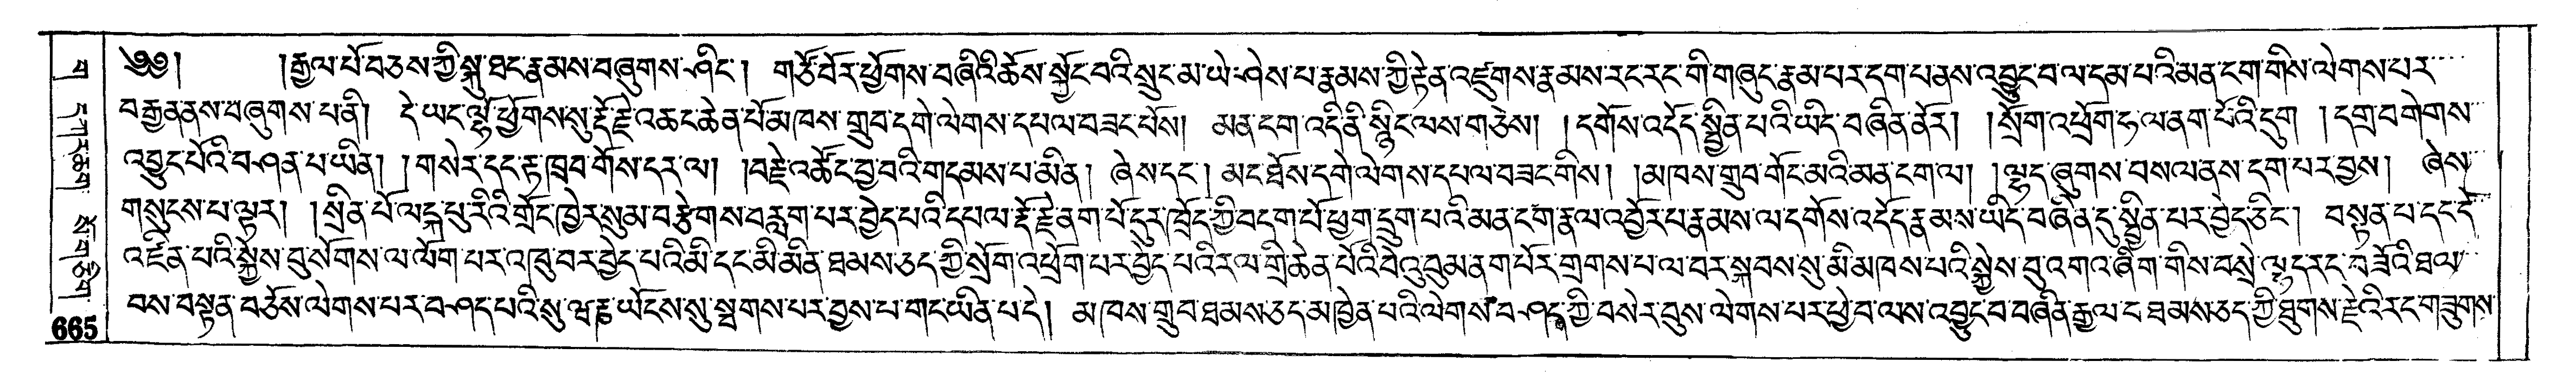༄༅། །རྒྱལ་པོ་བཅས་ཀྱི་སྐུ་ཐང་རྣམས་བཞུགས་ཤིང་། གཙོ་བོར་ཕྱོགས་བཞིར་ཆོས་སྐྱོང་བའི་སྲུང་མ་ཡེ་ཤེས་པ་རྣམས་ཀྱི་རྟེན་འཛུགས་རྣམས་རང་རང་གི་གཞུང་རྣམ་པར་དག་པ་ནས་འབྱུང་བ་ལ་དམ་པའི་མན་ངག་གིས་ལེགས་པར་
བརྒྱན་ནས་བཞུགས་པ་ནི། དེ་ཡང་ལྷོ་ཕྱོགས་སུ་རྡོ་རྗེ་འཆང་ཆེན་པོ་མཁས་གྲུབ་དགེ་ལེགས་དཔལ་བཟང་པོས། མན་ངག་འདི་ནི་སྙིང་ལས་གཅེས། །དགོས་འདོད་སྦྱིན་པའི་ཡིད་བཞིན་ནོར། །སྲོག་འཕྲོག་ཧ་ལ་ནག་པོའི་དུག །དགྲ་བགེགས་
འབྱུང་པོའི་བཤན་པ་ཡིན། །གསེར་དང་རྟ་ཁྲབ་གོས་དར་ལ། །བརྗེ་འཚོད་བྱ་བའི་གདམས་བ་མིན། ཞེས་དང་། མང་ཐོས་དགེ་ལེགས་དཔལ་བཟང་གིས། །མཁས་གྲུབ་གོང་མའི་མན་ངག་ལ། །ལྷད་ཞུགས་བསལ་ནས་དག་པར་བྱས། ཞེས་
གསུངས་པ་ལྟར། །སྲིན་པོ་ལངྐ་བུ་རིའི་གྲོང་ཁྱེར་སུམ་བརྩེགས་བརླག་པར་བྱེད་པའི་དཔལ་རྡོ་རྗེ་ནག་པོ་དུར་ཁྲོད་ཀྱི་བདག་པོ་ཕྱག་དྲུག་པའི་མན་ངག་རྣལ་འབྱོར་པ་རྣམས་ལ་དགོས་འདོད་རྣམས་ཡིད་བཞིན་དུ་སྦྱིན་པར་བྱེད་ཅིང་། བསྟན་པ་དང་དེ་
འཛིན་པའི་སྐྱེས་བུ་སོགས་ལ་ལོག་པར་འཁུ་བར་བྱེད་པའི་མི་དད་མི་མིན་ཐམས་ཅད་ཀྱི་སྲོག་འཕྲོག་པར་བྱེད་པའི་རལ་གྲི་ཆེན་པོའི་བེའུ་བུམ་ནག་པོར་གྲགས་པ་ལ་བར་སྐབས་སུ་མི་མཁས་པའི་སྐྱེས་བུ་འགའ་ཞིག་གིས་བསྲེ་ལྷང་རང་བཟོའི་ཐལ་
བས་བསྟན་བཅོས་ལེགས་པར་བཤད་པའི་སུ་ཝརྞ་ཡོངས་སུ་སྦགས་པར་བྱས་པ་གང་ཡིན་པ་དེ། མཁས་གྲུབ་ཐམས་ཅད་མཁྱེན་པའི་ལེགས་བཤད་ཀྱི་བསེར་བུས་ལེགས་པར་ཕྱེ་བ་ལས་འབྱུང་བ་བཞིན་རྒྱལ་བ་ཐམས་ཅད་ཀྱི་ཐུགས་རྗེའི་རང་གཟུགས་